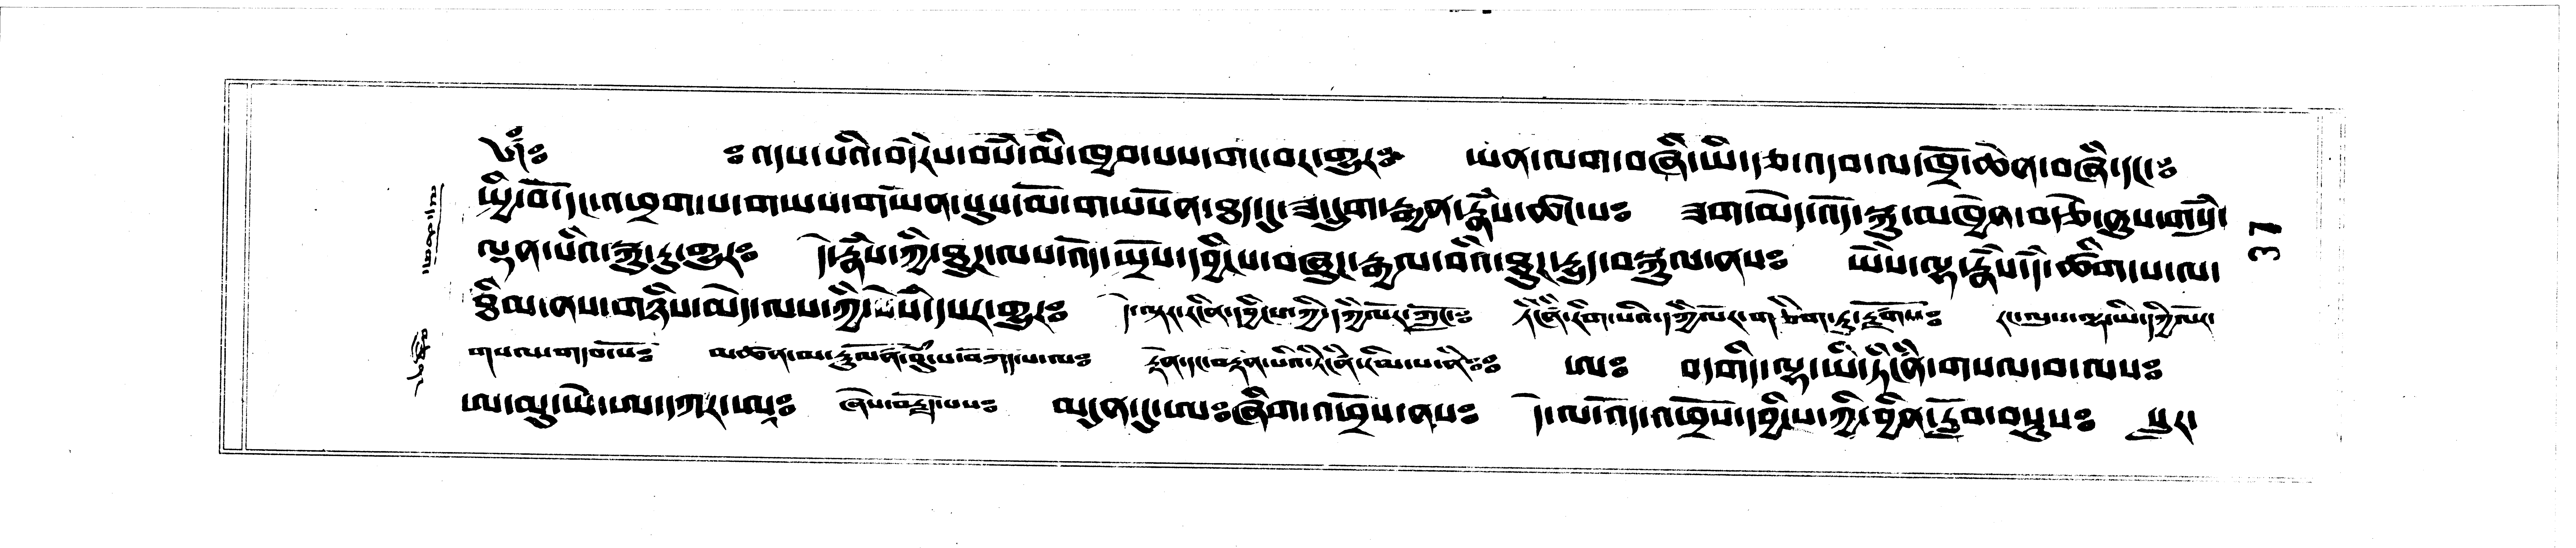འདས་པའི་བདེར་གཤེགས་བསམ་མི་ཁྱབ་པས་གང་བར་གྱུརཿ ཡན་ལག་བཞི་ཡི་རྩ་འདབ་ལ་ཁྲོ་ཆེན་བཞི་དངཿ 
སྤྱི་བོ་དང་ཕྲག་པ་གཡས་གཡོན་པུས་མོ་གཡས་གཡོན་ཐད་དུ་ཟ་དྲུག་རྒྱན་རྣམས་ཚང་བཿ ཟག་མེད་འོད་སྐུ་མཁྱེན་བརྩེ་ནུས་གསུམ་
ལྡན་པའི་སྐུ་རུ་གྱུརཿ དེ་རྣམས་ཀྱི་ཐུགས་ལས་འོད་སྤྲོས་དབྱིངས་བཞུགས་རྒྱལ་བའི་ཐུགས་རྒྱུད་བསྐུལ་ནསཿ ཡེ་ཤེས་ལྷ་རྣམས་དམ་ཚིག་པ་ལ་
ཐིམ་ནས་གཉིས་མེད་ལས་ཀྱི་སེམས་དཔར་གྱུརཿ དེ་ལྟར་རང་བཞིན་དབྱིངས་ཀྱི་དཀྱིལ་འཁོར་ཀློངཿ ཏིང་འཛིན་རིག་པའི་དཀྱིལ་འཁོར་གཅིག་ཏུ་རྫོགསཿ རང་ལུས་ལྷ་ཡི་དཀྱིལ་འཁོར་
གསལ་བདབ་བོཿ མཚན་མ་རྡུལ་ཚོན་བུམ་པ་བཀོད་པ་ལཿ རྟེན་དང་བརྟེན་པའི་ཏིང་འཛིན་རིམ་པ་ནིཿ ཨཿ བདག་ཉིད་ལྷ་ཡི་ཏིང་འཛིན་གསལ་བ་ལསཿ
 ཨ་མུ་ཡེ་ཨ་དཀར་ཨཿ ཞེས་བརྗོད་པསཿ མདུན་དུ་ཨཿཞིག་འཕྲོས་ནསཿ དེ་ལས་འོད་འཕྲོས་དབྱིངས་ཀྱི་བྱིན་རླབས་བསྡུསཿ སླར་